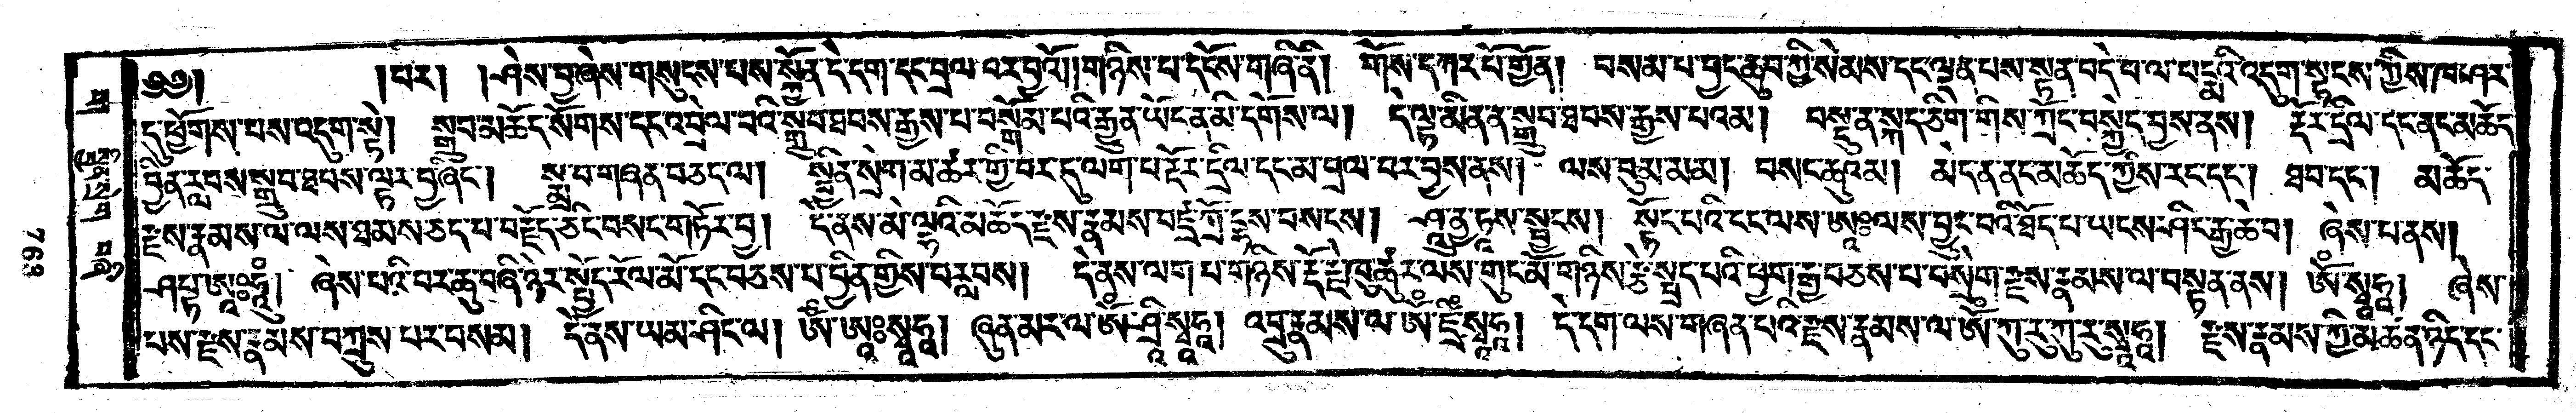༄༅། །པར། །ཤེས་བྱ་ཞེས་གསུངས་པས་སྐྱོན་དེ་དག་དང་བྲལ་བར་བྱའོ། །གཉིས་པ་དངོས་གཞི་ནི། གོས་དཀར་པོ་གྱོན། བསམ་པ་བྱང་ཆུབ་ཀྱི་སེམས་དང་ལྡན་པས་སྟན་བདེ་བ་ལ་པདམའི་འདུག་སྟངས་ཀྱིས་ཁ་ཤར་
དུ་ཕྱོགས་པས་འདུག་སྟེ། སྒྲུབ་མཆོད་སོགས་དང་འབྲེལ་བའི་སྒྲུབ་ཐབས་རྒྱས་པ་བསྒོམ་པའི་རྒྱུན་ཡོད་ན་མི་དགོས་ལ། དེ་ལྟ་མིན་ན་སྒྲུབ་ཐབས་རྒྱས་པའམ། བསྡུ་ན་སྐད་ཅིག་གིས་ཀྲོང་བསྐྱེད་བྱས་ནས། རྡོར་དྲིལ་དང་ནང་མཆོད་
བྱིན་རླབས་སྒྲུབ་ཐབས་ལྟར་བྱ་ཞིང་། སྨྲ་བ་གཞན་བཅད་ལ། སྦྱིན་སྲེག་མ་ཚར་གྱི་བར་དུ་ལག་པ་རྡོར་དྲིལ་དང་མ་བྲལ་བར་བྱས་ནས། ལས་བུམ་མམ། བསང་ཆུའམ། མེད་ན་ནང་མཆོད་ཀྱིས་རང་དང་། ཐབ་དང་། མཆོད་
རྫས་རྣམས་ལ་ལས་ཐམས་ཅད་པ་བརྗོད་ཅིང་བསང་གཏོར་བྱ། དེ་ནས་མེ་ལྷའི་མཆོད་རྫས་རྣམས་བཛྲ་ཀྲོ་དྷས་བསངས། ཤའུ་ནྱ་ཏཱས་སྦྱངས། སྟོང་པའི་ངང་ལས་ཨཱཿལས་བྱུང་བའི་ཐོད་པ་ཡངས་ཤིང་རྒྱ་ཆེ་བ། ཞེས་པ་ནས།
ཤཔྟ་ཨཱཿཧཱུཾ། ཞེས་པའི་བར་ཆུ་བཞི་ཉེར་སྤྱོད་རོལ་མོ་དང་བཅས་པ་བྱིན་གྱིས་བརླབས། དེ་ནས་ལག་པ་གཉིས་རྡོ་རྗེ་ཁུ་ཚུར་ལས་གུང་མོ་གཉིས་རྩེ་སྤྲད་པའི་ཕྱག་རྒྱ་བཅས་པ་བསྲེག་རྫས་རྣམས་ལ་བསྟན་ནས། ཨོཾ་སྭཱཧཱ། ཞེས་
པས་རྫས་རྣམས་བཀྲུས་པར་བསམ། དེ་ནས་ཡམ་ཤིང་ལ། ཨོཾ་ཨཱཿསྭཱཧཱ། ཞུན་མར་ལ་ཨོཾ་ཤྲཱི་སྭཱཧཱ། འབྲུ་རྣམས་ལ་ཨོཾ་ཛྲིཾ་སྭཱཧཱ། དེ་དག་ལས་གཞན་པའི་རྫས་རྣམས་ལ་ཨོཾ་ཀུ་རུ་ཀུ་རུ་སྭཱཧཱ། རྫས་རྣམས་ཀྱི་མཚན་ཉིད་དང་